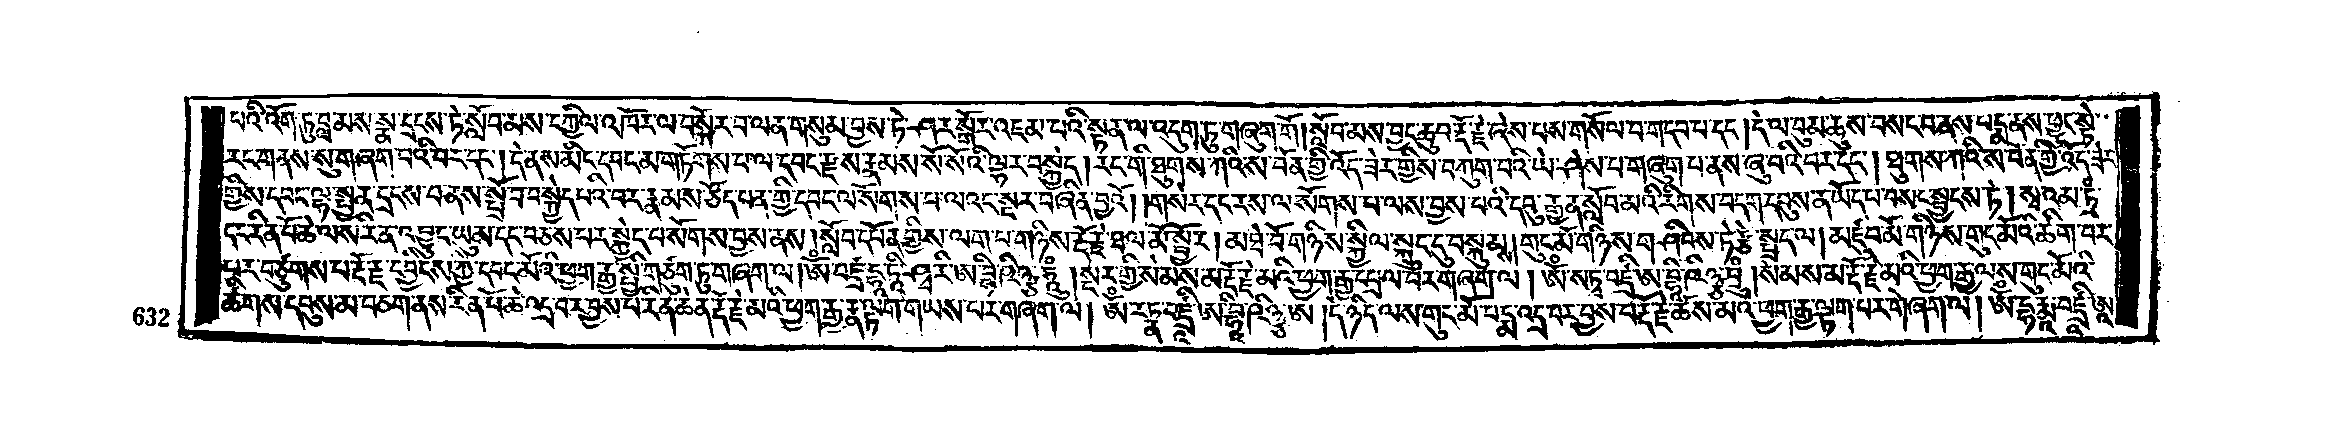པའི་འོག་ཏུ་བླ་མས་སྣ་དྲངས་ཏེ་སློབ་མས་དཀྱིལ་འཁོར་ལ་བསྐོར་བ་ལན་གསུམ་བྱས་ཏེ་ཤར་སྒོར་འཇམ་པའི་སྟན་ལ་འདུག་ཏུ་གཞུག་གོ། སློབ་མས་བྱང་ཆུབ་རྡོ་རྗེ་ཞེས་པས་གསོལ་བ་གདབ་པ་དང་། དེ་ལ་བུམ་ཆུས་བསང་བ་ནས་པདམ་ནས་ཕྱུང་སྟེ་
རང་གནས་སུ་གཞག་པའི་བར་དང་། དེ་ནས་མིང་དབང་མ་གཏོགས་པ་ལ་དབང་རྫས་རྣམས་སོ་སོའི་ལྷར་བསྐྱེད། རང་གི་ཐུགས་ཀའི་ས་བོན་གྱི་འོད་ཟེར་གྱིས་བཀུག་པའི་ཡེ་ཤེས་པ་གཞུག་པ་ནས་ཞུ་བའི་བར་དང་། ཐུགས་ཀའི་ས་བོན་གྱི་འོད་ཟེར་
གྱིས་དབང་ལྷ་སྤྱན་དྲངས་པ་ནས་སྤྲོ་བ་བསྐྱེད་པའི་བར་རྣམས་ཅོད་པན་གྱི་དབང་ལ་སོགས་པ་ལའང་སྔར་བཞིན་བྱའོ། །གསེར་དང་རས་ལ་སོགས་པ་ལས་བྱས་པའི་དབུ་རྒྱན་སློབ་མའི་རིགས་བདག་དབུས་ན་ཡོད་པ་བསང་སྦྱངས་ཏེ། སྭ་འམ་ཏྲཾ་
དང་རིན་པོ་ཆེ་ལས་རིན་འབྱུང་ཡུམ་དང་བཅས་པར་སྐྱེད་པ་སོགས་བྱས་ནས། སློབ་དཔོན་གྱིས་ལག་པ་གཉིས་རྡོ་རྗེ་ཐལ་མོ་སྦྱར། མཐེ་བོ་གཉིས་སྐྱིལ་སྐྲུང་དུ་བསྐུམས། གུང་མོ་གཉིས་གཤིབས་ཏེ་རྩེ་སྤྲད་ལ། མཛུབ་མོ་གཉིས་གུང་མོའི་ཚིག་བར་
པར་བཙུགས་པ་རྡོ་རྗེ་དབྱིངས་ཀྱི་དབང་མོའི་ཕྱག་རྒྱ་སྤྱི་གཙུག་ཏུ་གཞག་ལ། ཨོཾ་བཛྲ་དྷཱ་ཏཱི་ཤྭ་རི་ཨ་བྷཱི་ཥིཉྩ་ཧཱུཾ། སྔར་གྱི་སེམས་མ་རྡོ་རྗེ་མའི་ཕྱག་རྒྱ་དཔྲལ་བར་གཞག་ལ། ཨོཾ་སཏྭ་བཛྲི་ཨ་བྷཱི་ཥིཉྩ་བྲུཾ། སེམས་མ་རྡོ་རྗེ་མའི་ཕྱག་རྒྱ་ལས་གུང་མོའི་
ཚིགས་དབུས་མ་བཅག་ནས་རིན་པོ་ཆེ་འདྲ་བར་བྱས་པ་རིན་ཆེན་རྡོ་རྗེ་མའི་ཕྱག་རྒྱ་རྣ་ལྟག་གཡས་པར་གཞག་ལ། ཨོཾ་རཏྣ་བཛྲཱི་ཨ་བྷཱི་ཥིཉྩ་ཨ། དེ་ཉིད་ལས་གུང་མོ་པདམ་འདྲ་བར་བྱས་པ་རྡོ་རྗེ་ཆོས་མའི་ཕྱག་རྒྱ་ལྟག་པར་གཞག་ལ། ཨོཾ་དྷརྨཱ་བཛྲཱི་ཨཱ་